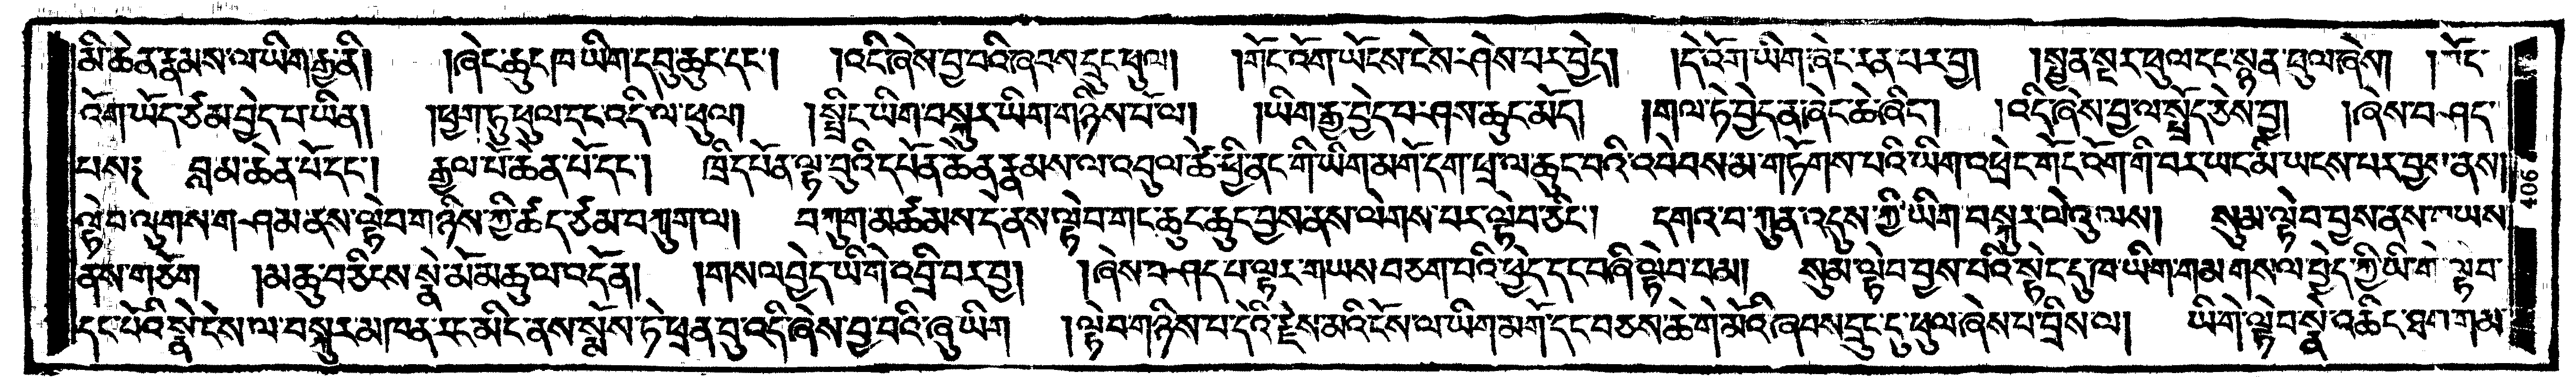མི་ཆེན་རྣམས་ལ་ཡིག་རྒྱ་ནི། །ཞེས་ཆུང་ཁ་ཡིག་དབུ་ཆུང་དང་། །འདི་ཞེས་བྱ་བའི་ཞབས་དྲུང་ཕུལ། །གོང་འོག་ཡོངས་ངེས་ཤེས་པར་བྱེད། །དེ་འོག་ཡིག་ཞེང་རན་པར་བྱ། །སྤྱན་སྔར་ཕུལ་དང་སྙན་ཕུ་ལ་ཞེས། །སོང?
འོག་ཡོད་ཙམ་བྱེད་པ་ཡིན། །ཕྱག་ཏུ་ཕུལ་དང་འདི་ལ་ཕུལ། །སྤྲིང་ཡིག་བསྐུར་ཡིག་གཉིས་པོ་ལ། །ཡིག་རྒྱ་བྱེད་པ་ཤས་ཆུང་མོད། །གལ་ཏེ་བྱེད་ན་ནེང་ཆེ་ཞིང་། །འདི་ཞེས་བྱ་ལ་སྤྲོས་ཅེས་བྱ། །ཞེས་བཤད་
པས། བླ་མ་ཆེན་པོ་དང་། རྒྱལ་པ་ཆེན་པོ་དང་། ཁྲི་དཔོན་ལྟ་བུའི་དཔོན་ཆེན་རྣམས་ལ་འབུལ་ཚེ་ཕྱི་ནང་གི་ཡིག་མགོ་དག་ཕྲ་ལ་ཆུང་བའི་འབེབས་མ་གཏོགས་པའི་ཡིག་འཕྲེང་གོང་འོག་གི་བར་ཡང་མི་ཡང་སྤར་བྱས་ནས།
ལྟེ་བ་ལུགས་གཤམ་ནས་ལྟེ་བ་གཉིས་ཀྱི་ཚད་ཙམ་བཀུག་ལ། བཀུག་མཚམས་དེ་ནས་ལྟེ་བ་གང་ཆུང་ཆུང་བྱས་ནས་ལེགས་པར་ལྟེ་བ་ཅིང་། དགའ་བ་ཀུན་འདུས་ཀྱི་ཡིག་བསྐུར་ལེའུ་ལས་སུམ་ལྟེ་བ་བྱས་ནས་གཡས?
ནས་གཅོག །མཆུ་བཅིངས་སྣེ་མོ་མཆུ་ལ་འདོ་ན། གསལ་བྱེད་ཡི་གེ་འབྲི་བར་བྱ། །ཞེས་བཤད་པ་ལྟར་གཡས་བཅག་པའི་ཕྱེད་དང་བཞི་ལྟེབ་བམ། སུམ་ལྟེབ་བྱས་པའི་སྟེང་དུ་ཁ་ཡིག་གམ་གསལ་བྱེད་ཀྱི་ཡི་གེ་ལྟེབ་
དང་པོའི་སྣེ་ངེས་ལ་བསྐུར་མཁན་རང་མིང་ནས་སྨོས་ཏེ་ཕྲན་བུ་འདི་ཞེས་བྱ་བའི་ཞུ་ཡིག། །ལྟེབ་གཉིས་པ་དེའི་རྗེས་མའི་ངོས་ལ་ཡིག་མགོ་དང་བཅས་ཆེ་གེ་མོའི་ཞབས་དྲུང་དུ་ཕུལ་ཞེས་པ་བྲིས་ལ། ཡི་གེ་ལྟེབ་སྣེ་འཆིང་ཐབ་གམ་